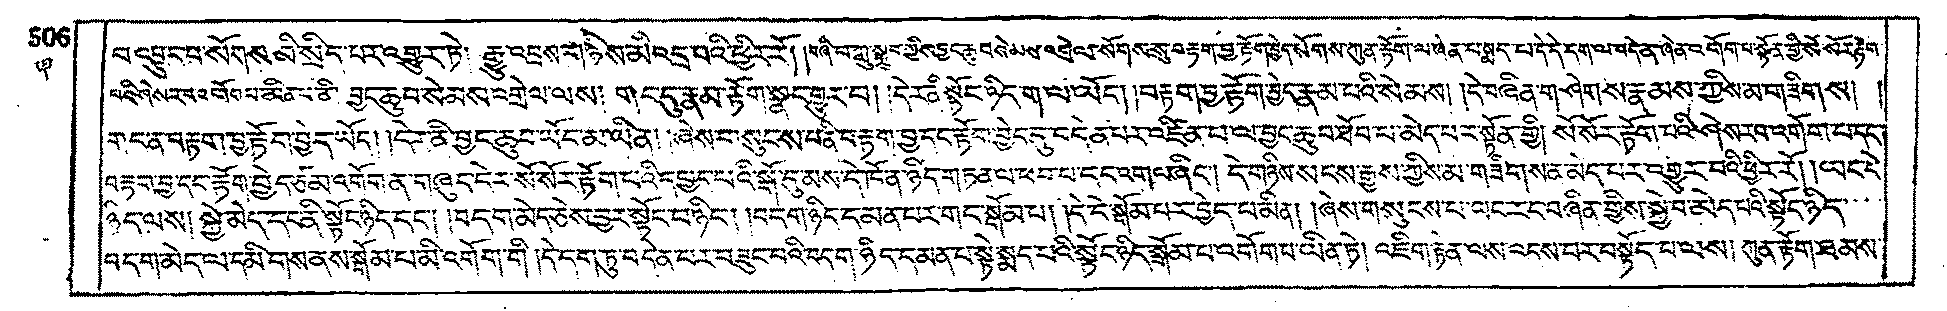བ་འབྱུང་བ་སོགས་མི་སྲིད་པར་འགྱུར་ཏེ། རྒྱུ་འབྲས་གཉིས་མི་འདྲ་བའི་ཕྱིར་རོ། །བཞི་པ་ཀླུ་སྒྲུབ་ཀྱིས་བྱང་ཆུབ་སེམས་འགྲེལ་སོགས་སུ་བརྟག་བྱ་རྟོག་བྱེད་སོགས་ཀུན་རྟོག་ལ་ཞེན་པ་སྨད་པ་དེ་དེ་དག་ལ་བདེན་ཞེན་འགོག་པ་སྟོན་གྱི་སོ་སོར་རྟོག་
པའི་ཤེས་རབ་འགོག་པ་མིན་པ་ནི། བྱང་ཆུབ་སེམས་འགྲེལ་ལས། གང་དུ་རྣམ་རྟོག་སྣང་གྱུར་པ། །དེར་ནི་སྟོང་ཉིད་གལ་ཡོད། །བརྟག་བྱ་རྟོག་བྱེད་རྣམ་པའི་སེམས། །དེ་བཞིན་གཤེགས་རྣམས་ཀྱིས་མ་གཟིགས། །
གང་ན་བརྟག་བྱ་རྟོག་བྱེད་ཡོད། །དེར་ནི་བྱང་ཆུབ་ཡོད་མ་ཡིན། །ཞེས་གསུངས་པ་ནི་བརྟག་བྱ་དང་རྟོག་བྱེད་དུ་བདེན་པར་འཛིན་པ་ལ་བྱང་ཆུབ་ཐོབ་པ་མེད་པར་སྟོན་གྱི། སོ་སོར་རྟོག་པའི་ཤེས་རབ་འགོག་པ་དང་།
བརྟག་བྱ་དང་རྟོག་བྱེད་ཙམ་འགོག་ན་གཞུང་དེར་སོ་སོར་རྟོག་པའི་དཔྱད་པའི་སྒོ་དུ་མས་དེ་ཁོ་ན་ཉིད་གཏན་ལ་ཕབ་པ་དང་འགལ་ཞིང་། དེ་གཉིས་སངས་རྒྱས་ཀྱིས་མ་གཟིགས་ན་མེད་པར་འགྱུར་བའི་ཕྱིར་རོ། །ཡང་དེ་
ཉིད་ལས། སྐྱེ་མེད་དང་ནི་སྟོང་ཉིད་དང་། །བདག་མེད་ཅེས་བྱར་སྟོང་པ་ཉིད། །བདག་ཉིད་དམན་པར་གང་སྒོམ་པ། །དེ་དེ་སྒོམ་པར་བྱེད་པ་མིན། །ཞེས་གསུངས་པ་ཡང་རང་བཞིན་གྱིས་སྐྱེ་བ་མེད་པའི་སྟོང་ཉིད་
བདག་མེད་ལ་དམིགས་ནས་སྒོམ་པ་མི་འགོག་གི །དེ་དག་ཏུ་བདེན་པར་བཟུང་བའི་བདག་ཉིད་དམན་པ་སྟེ་སྨད་པའི་སྟོང་ཉིད་སྒོམ་པ་འགོག་པ་ཡིན་ཏེ། འཇིག་རྟེན་ལས་འདས་པར་བསྟོད་པ་ལས། ཀུན་རྟོག་ཐམས་